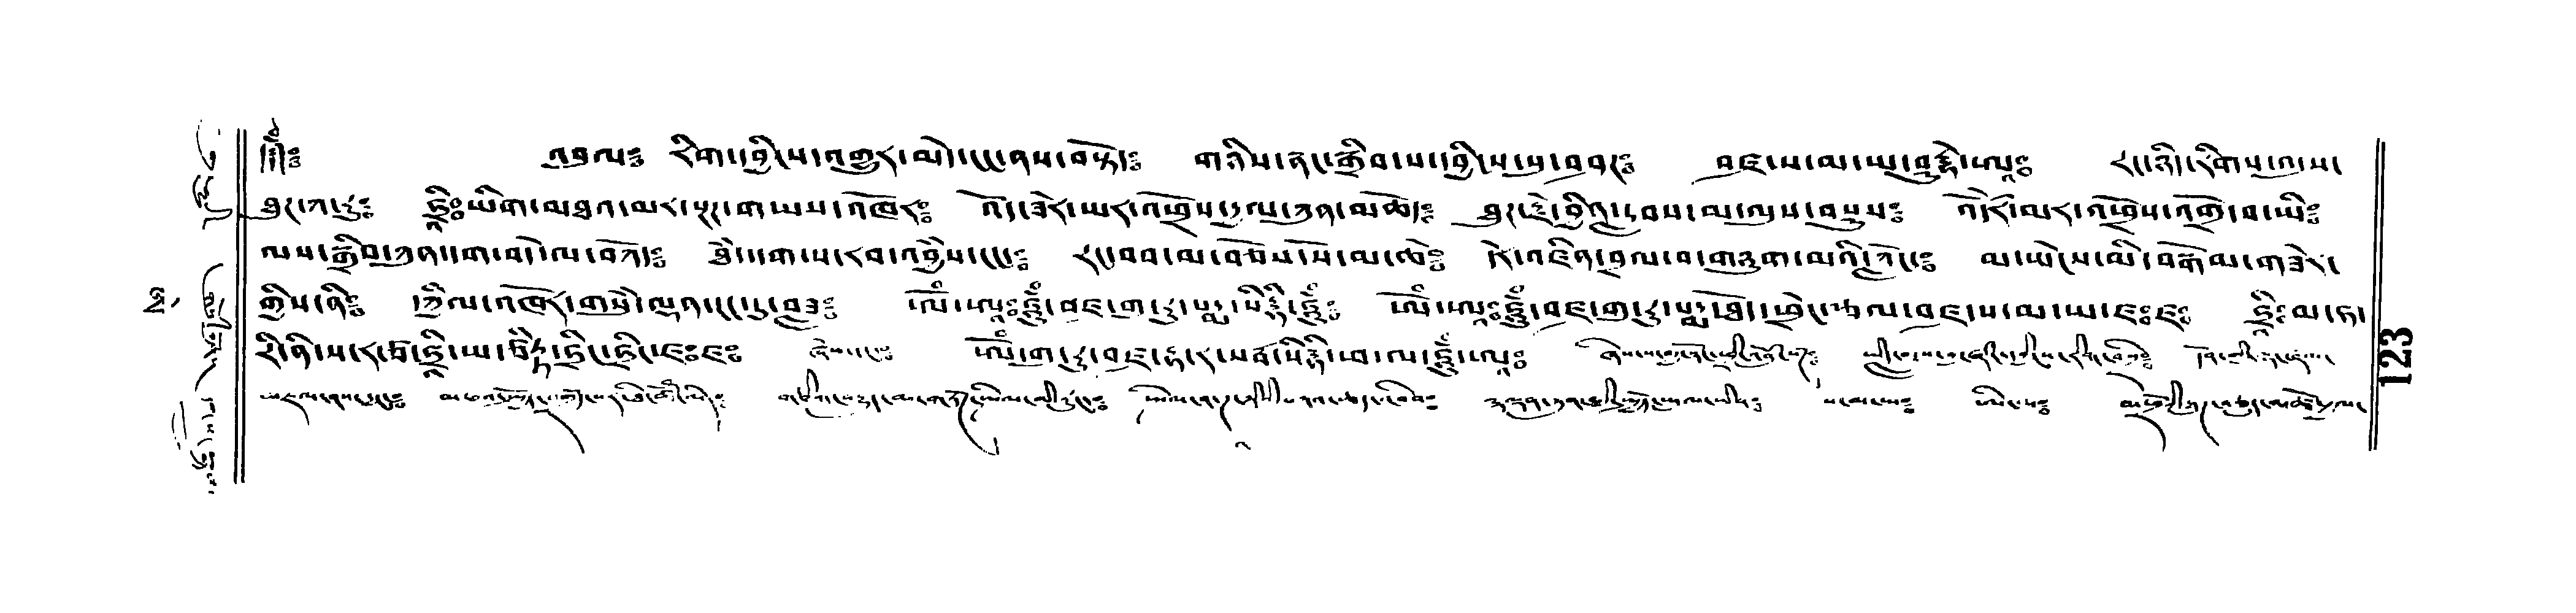འབུལ༔ རིག་དབྱིངས་འགྱུར་མེད་ངང་ནས་བསྟོད༔ གཉིས་སྣང་སྒྲིབ་པ་དབྱིངས་སུ་བཤགས༔ བཛྲ་ས་མ་ཡ་ཤུདྡྷེ་ཨཱ༔ རང་ཉིད་རིགས་འདུས་
ཐུགས་ཀ་རུ༔ ཧྲཱིཿཡིག་མཐའ་དམར་སྔགས་གཡས་འཁོར༔ འོད་ཟེར་ཡར་འཕྲོས་རྒྱལ་ཀུན་མཆོད༔ ཐུགས་རྗེ་བྱིན་རླབས་མ་ལུས་བསྡུས༔ འོད་ཟེར་མར་འཕྲོས་འགྲོ་བ་ཡི༔ 
ལས་སྒྲིབ་ཀུན་དག་བདེ་ལ་བཀོད༔ ཐམས་ཅད་དག་པ་རབ་འབྱམས་ངངཿ རང་བབ་མ་བཅོས་སོ་མ་ཆེ༔ དེར་འཛིན་བྲལ་བ་གཉུག་མའི་ཀློང༔ མ་ཡེངས་མི་བསྒོམ་གཟེར་
གྱིས་ནི༔ དཀྱིལ་འཁོར་གསུམ་ལྡན་ངང་དུ་བཟླ༔ ཨོཾ་ཨཱཿཧཱུྃ་བཛྲ་གུ་རུ་པདྨ་སིདྡྷི་ཧཱུྃ༔ ཨོཾ་ཨཱཿཧཱུྃ་བཛྲ་གུ་རུ་པདྨ་ཐོད་ཕྲེང་རྩལ་བཛྲ་ས་མ་ཡ་ཛ་ཛཿ ཧྲཱིཿམ་ཧ་
རི་ནི་ས་ར་ཙ་ཧྲཱི་ཡ་ཙིཏྟ་ཧྲིང་ཧྲིང་ཛ་ཛཿ ཞེས་དང༔ ཨོཾ་ཨཱཿཧཱུྃ་བཛྲ་དྷ་ར་སརྦ་སིདྡྷི་ཕ་ལ་ཧཱུྃ་ཨཱཿ ཞ ེས་པ་བརྒྱ་སྟོང་ཁྲི་འབུམ་སོགས༔ ཡིད་བཟླས་བྱ་ཞིང་དབྱིངས་རིག་བསྲེ༔ དོན་གྱི་ལྷ་ཞལ་
མཇལ་ནས་ཀྱང༔ མཁའ་སྤྱོད་བགྲོད་པར་ཐེ་ཚོམ་མེད༔ གཅིག་བརྒྱུད་མ་གཏོགས་སྤེལ་མི་རུང༔ སྤེལ་ན་ཌཱ་ཀིའི་བཀའ་ཆད་འབེབས༔ སྐལ་ལྡན་ཀུན་གྱི་སྤྱོད་ཡུལ་ཡིན༔ ས་མ་ཡ༔ ཨེ་ས༔ མཁའ་འགྲོའི་ཐུགས་བཅུད་མཚོ་རྒྱལ་